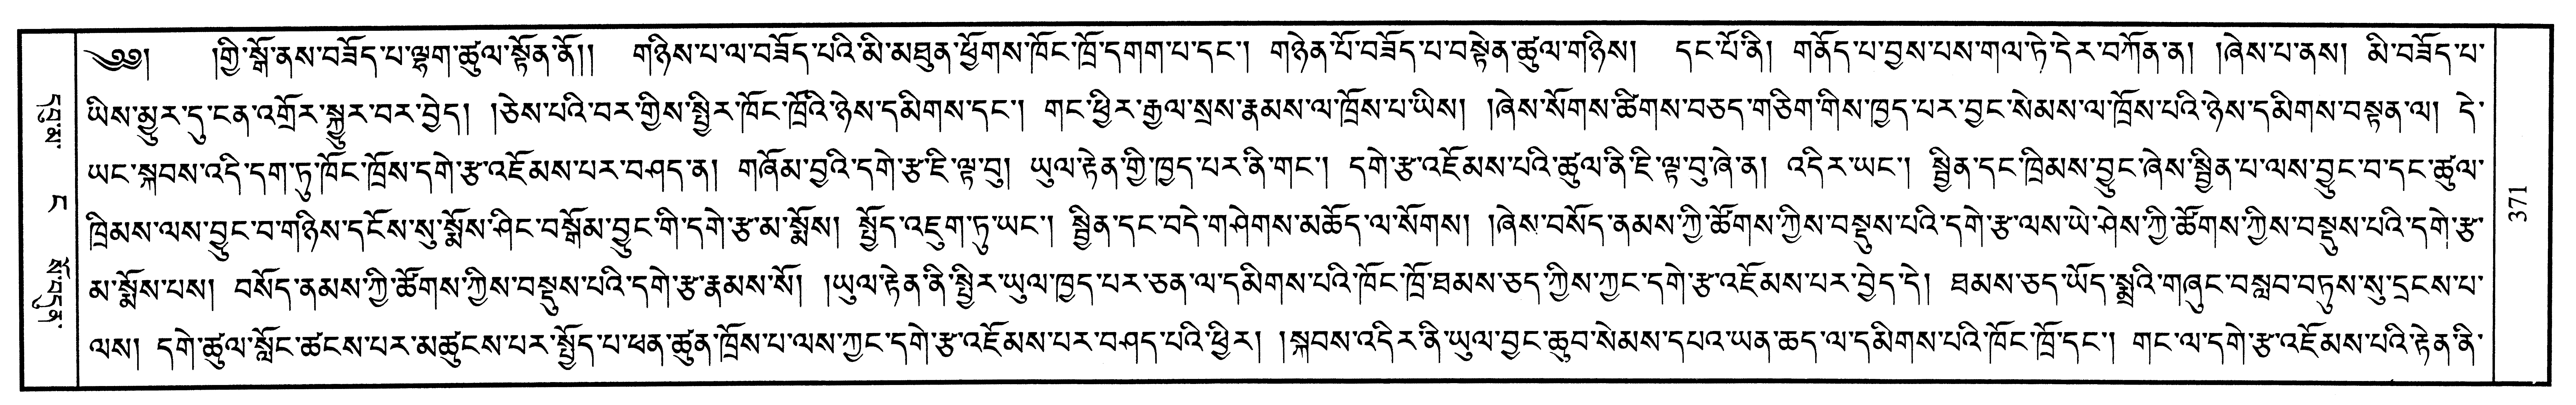༄༅། །གྱི་སྒོ་ནས་བཟོད་པ་ལྷག་ཚུལ་སྟོན་ནོ།། གཉིས་པ་ལ་བཟོད་པའི་མི་མཐུན་ཕྱོགས་ཁོང་ཁྲོ་དགག་པ་དང་། གཉེན་པོ་བཟོད་པ་བསྟེན་ཚུལ་གཉིས། དང་པོ་ནི། གནོད་པ་བྱས་པས་གལ་ཏེ་དེར་བཀོན་ན། །ཞེས་པ་ནས། མི་བཟོད་པ་
ཡིས་མྱུར་དུ་ངན་འགྲོར་སྐྱུར་བར་བྱེད། །ཅེས་པའི་བར་གྱིས་སྤྱིར་ཁོང་ཁྲོའི་ཉེས་དམིགས་དང་། གང་ཕྱིར་རྒྱལ་སྲས་རྣམས་ལ་ཁྲོས་པ་ཡིས། །ཞེས་སོགས་ཚིགས་བཅད་གཅིག་གིས་ཁྱད་པར་བྱང་སེམས་ལ་ཁྲོས་པའི་ཉེས་དམིགས་བསྟན་ལ། དེ་
ཡང་སྐབས་འདི་དག་ཏུ་ཁོང་ཁྲོས་དགེ་རྩ་འཇོམས་པར་བཤད་ན། གཞོམ་བྱའི་དགེ་རྩ་ཇི་ལྟ་བུ། ཡུལ་རྟེན་གྱི་ཁྱད་པར་ནི་གང་། དགེ་རྩ་འཇོམས་པའི་ཚུལ་ནི་ཇི་ལྟ་བུ་ཞེ་ན། འདིར་ཡང་། སྦྱིན་དང་ཁྲིམས་བྱུང་ཞེས་སྦྱིན་པ་ལས་བྱུང་བ་དང་ཚུལ་
ཁྲིམས་ལས་བྱུང་བ་གཉིས་དངོས་སུ་སྨོས་ཤིང་བསྒོམ་བྱུང་གི་དགེ་རྩ་མ་སྨོས། སྤྱོད་འཇུག་ཏུ་ཡང་། སྦྱིན་དང་བདེ་གཤེགས་མཆོད་ལ་སོགས། །ཞེས་བསོད་ནམས་ཀྱི་ཚོགས་ཀྱིས་བསྡུས་པའི་དགེ་རྩ་ལས་ཡེ་ཤེས་ཀྱི་ཚོགས་ཀྱིས་བསྡུས་པའི་དགེ་རྩ་
མ་སྨོས་པས། བསོད་ནམས་ཀྱི་ཚོགས་ཀྱིས་བསྡུས་པའི་དགེ་རྩ་རྣམས་སོ། །ཡུལ་རྟེན་ནི་སྤྱིར་ཡུལ་ཁྱད་པར་ཅན་ལ་དམིགས་པའི་ཁོང་ཁྲོ་ཐམས་ཅད་ཀྱིས་ཀྱང་དགེ་རྩ་འཇོམས་པར་བྱེད་དེ། ཐམས་ཅད་ཡོད་སྨྲའི་གཞུང་བསླབ་བཏུས་སུ་དྲངས་པ་
ལས། དགེ་ཚུལ་སློང་ཚངས་པར་མཚུངས་པར་སྤྱོད་པ་ཕན་ཚུན་ཁྲོས་པ་ལས་ཀྱང་དགེ་རྩ་འཇོམས་པར་བཤད་པའི་ཕྱིར། །སྐབས་འདིར་ནི་ཡུལ་བྱང་ཆུབ་སེམས་དཔའ་ཡན་ཆད་ལ་དམིགས་པའི་ཁོང་ཁྲོ་དང་། གང་ལ་དགེ་རྩ་འཇོམས་པའི་རྟེན་ནི་